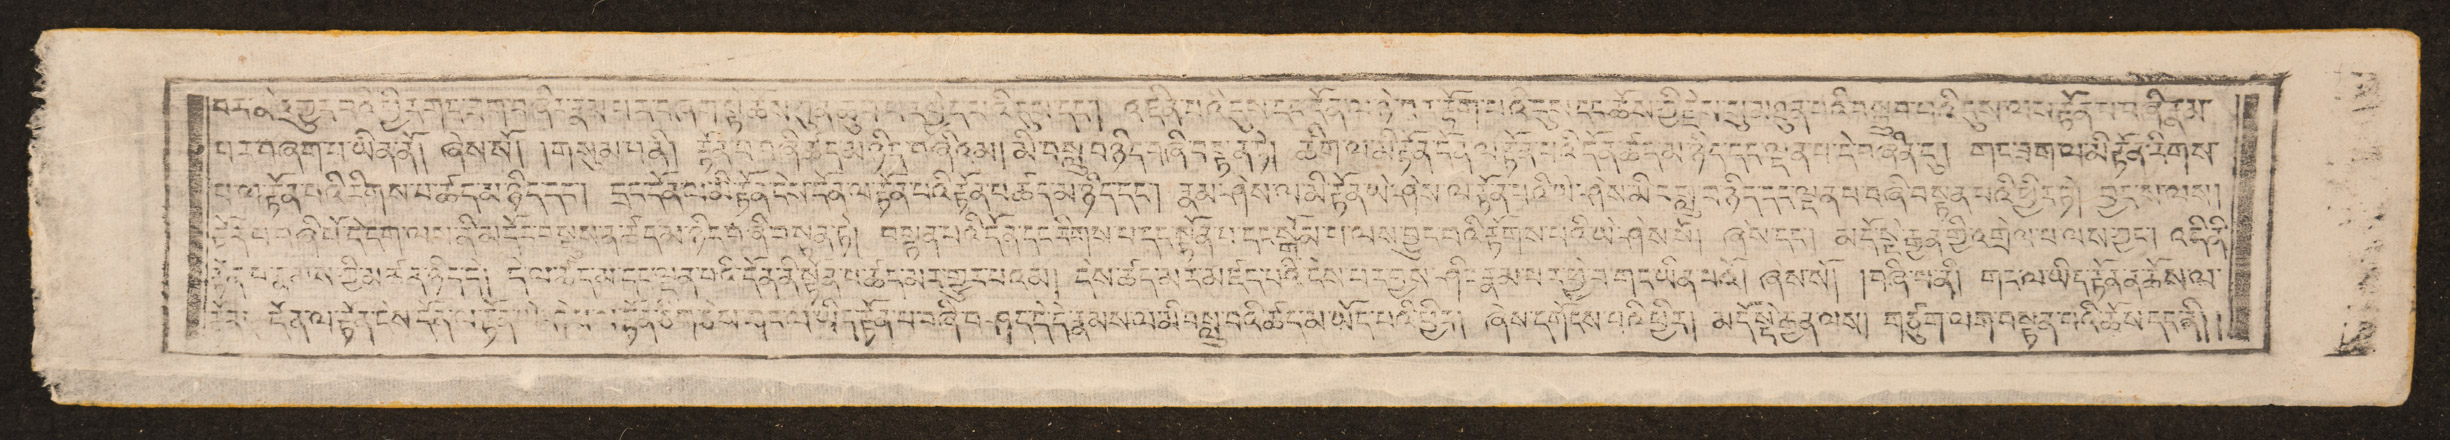པར་མི་འགྱུར་བའི་ཕྱིར་གང་ཟག་བཞིར་རྣམ་པར་བཞག་སྟེ་ཆོས་ཀུན་ཆུབ་པར་བྱེད་པའི་དུས་དང་། འཛིན་པའི་དུས་དང་དོན་ལ་ཉེ་བར་རྟོག་པའི་དུས་དང་ཆོས་ཀྱི་རྗེས་སུ་མཐུན་པའི་བསྒྲུབ་པའི་དུས་ལས་རྟོན་པ་བཞི་རྣམ་
པར་བཞག་པ་ཡིན་ནོ། ཞེས་སོ། །གསུམ་པ་ནི། རྟོན་བ་བཞི་ཚད་མ་ཉིད་བཞིའམ། མི་བསླུ་བ་ཉིད་བཞི་བསྟན་ཏེ། ཚིག་ལ་མི་རྟོན་དོན་ལ་རྟོན་པའི་དོན་ཚད་མ་ཉིད་དང་ལྡན་པ་དེ་བཞིན་དུ། གང་ཟག་ལ་མི་རྟོན་རིགས་
པ་ལ་རྟོན་པའི་རིགས་པ་ཚད་མ་ཉིད་དང་། དྲང་དོན་ལ་མི་རྟོན་ངེས་དོན་ལ་རྟོན་པའི་རྟོན་པའི་ཚད་མ་ཉིད་དང་། རྣམ་ཤེས་ལ་མི་རྟོན་ཡེ་ཤེས་ལ་རྟོན་པའི་ཡེ་ཤེས་མི་བསླུ་བ་ཉིད་དང་ལྡན་པ་བཞི་བསྟན་པའི་ཕྱིར་ཏེ། བྱང་ས་ལས།
རྟོན་པ་བཞི་པོ་དེ་དག་ལས་ནི་མདོར་བསྡུས་ན་ཚད་མ་ཉིད་བཞི་བསྟན་ཏེ། བསྟན་པའི་དོན་དང་རིགས་པ་དང་སྟོན་པ་དང་སྒོམ་པ་ལས་བྱུང་བའི་རྟོགས་པའི་ཡེ་ཤེས་སོ། ཞེས་དང་། མདོ་སྡེ་རྒྱན་གྱི་འགྲེལ་པ་ལས་ཀྱང་། འདི་ནི་
རྟོན་པ་རྣམས་ཀྱི་མཚན་ཉིད་དེ། དེ་ལ་ཚད་མ་དང་ལྡན་པའི་དོན་ནི་སྟོན་པ་ཚད་མར་གྱུར་པའམ། དེས་ཚད་མར་མཛད་པའི་ངེས་པར་བྱས་ཤིང་རྣམ་པར་ཕྱེ་བ་གང་ཡིན་པའོ། །ཞེས་སོ། །བཞི་པ་ནི། གང་ལ་ཡིད་རྟོན་ན་ཆོས་ལ་
རྟོན༑ དོན་ལ་རྟོན་ངེས་དོན་ལ་རྟོན་ཡེ་ཤེས་ལ་རྟོན་ཅི་གཅེས་གང་ལ་ཡིད་རྟོན་པ་བཞི་བཤད་དེ་དེ་རྣམས་ལ་མི་བསླུ་བའི་ཚད་མ་ཡོད་པའི་ཕྱིར། ཞེས་དགོངས་པའི་ཕྱིར། མདོ་སྡེ་རྒྱན་ལས། གཙུག་ལག་བསྟན་པའི་ཆོས་དང་ནི། །